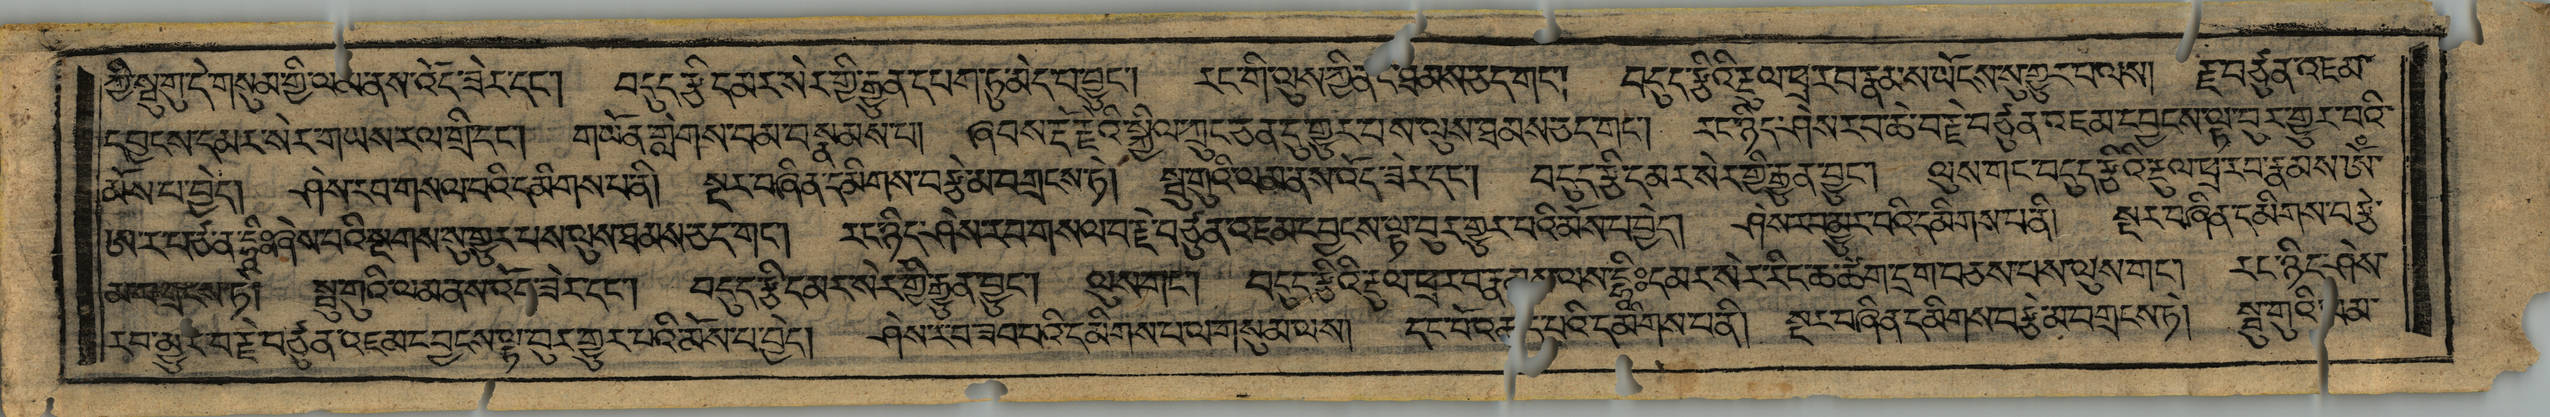ཀྱི་སྤུ་གུ་དེ་གསུམ་གྱི་ལམ་ནས་འོད་ཟེར་དང་། བདུད་རྩི་དམར་སེར་གྱི་རྒྱུན་དཔག་ཏུ་མེད་བ་བྱུང་། རང་གི་ལུས་ཀྱི་ནང་ཐམས་ཅད་གང་། བདུད་རྩིའི་རྡུལ་ཕྲ་རབ་རྣམས་ཡོངས་སུ་གྱུར་བ་ལས། རྗེ་བཙུན་འཇམ་
དབྱངས་དམར་སེར་གཡས་རལ་གྲི་དང་། གཡོན་གླེགས་བམ་བསྣམས་པ། ཞབས་རྡོ་རྗེའི་སྐྱིལ་ཀྲུང་ཅན་དུ་གྱུར་པས་ལུས་ཐམས་ཅད་གང་། རང་ཉིད་ཤེས་རབ་ཆེ་བ་རྗེ་བཙུན་འཇམ་དབྱངས་ལྟ་བུར་གྱུར་བའི་
མོས་བ་བྱེད། ཤེས་རབ་གསལ་བའི་དམིགས་ཕ་ནི། སྔར་བཞིན་དམིགས་བརྩེམ་བགྲངས་ཏེ། སྤུ་གུའི་ལམ་ནས་འོད་ཟེར་དང་། བདུད་རྩི་དམར་སེར་གྱི་རྒྱུན་བྱུང་། ལུས་གང་བདུད་རྩིའི་རྡུལ་ཕྲ་རབ་རྣམས་ཨོཾ་
ཨ་ར་པ་ཙ་ན་དྷཱིཿཞེས་པའི་སྔགས་སུ་གྱུར་པས་ལུས་ཐམས་ཅད་གང་། རང་ཉིད་ཤེས་རབ་གསལ་བ་རྗེ་བཙུན་འཇམ་དབྱངས་ལྟ་བུར་གྱུར་པའི་མོས་པ་བྱེད། ཤེས་རབ་མྱུར་བའི་དམིགས་པ་ནི། སྔར་བཞིན་དམིགས་པ་རྩེ་
མ་བགྲངས་ཏེ། སྤུ་གུའི་ལམ་ནས་འོད་ཟེར་དང་། བདུད་རྩི་དམར་སེར་གྱི་རྒྱུན་བྱུང་། ལུས་གང་། བདུད་རྩིའི་རྡུལ་ཕྲ་རབ་རྣམས་ལས་དྷཱིཿདམར་སེར་རིང་ཆ་ཚེག་དྲག་བཅས་པས་ལུས་གང་། རང་ཉིད་ཤེས་
རབ་མྱུར་བ་རྗེ་བཙུན་འཇམ་དབྱངས་ལྟ་བུར་གྱུར་པའི་མོས་པ་བྱེད། ཤེས་རབ་ཟབ་པའི་དམིགས་པ་ལ་གསུམ་ལས། དང་པོ་འཆད་པའི་དམིགས་པ་ནི། སྔར་བཞིན་དམིགས་བརྩེ་མ་བགྲངས་ཏེ། སྤུ་གུའི་ལམ་